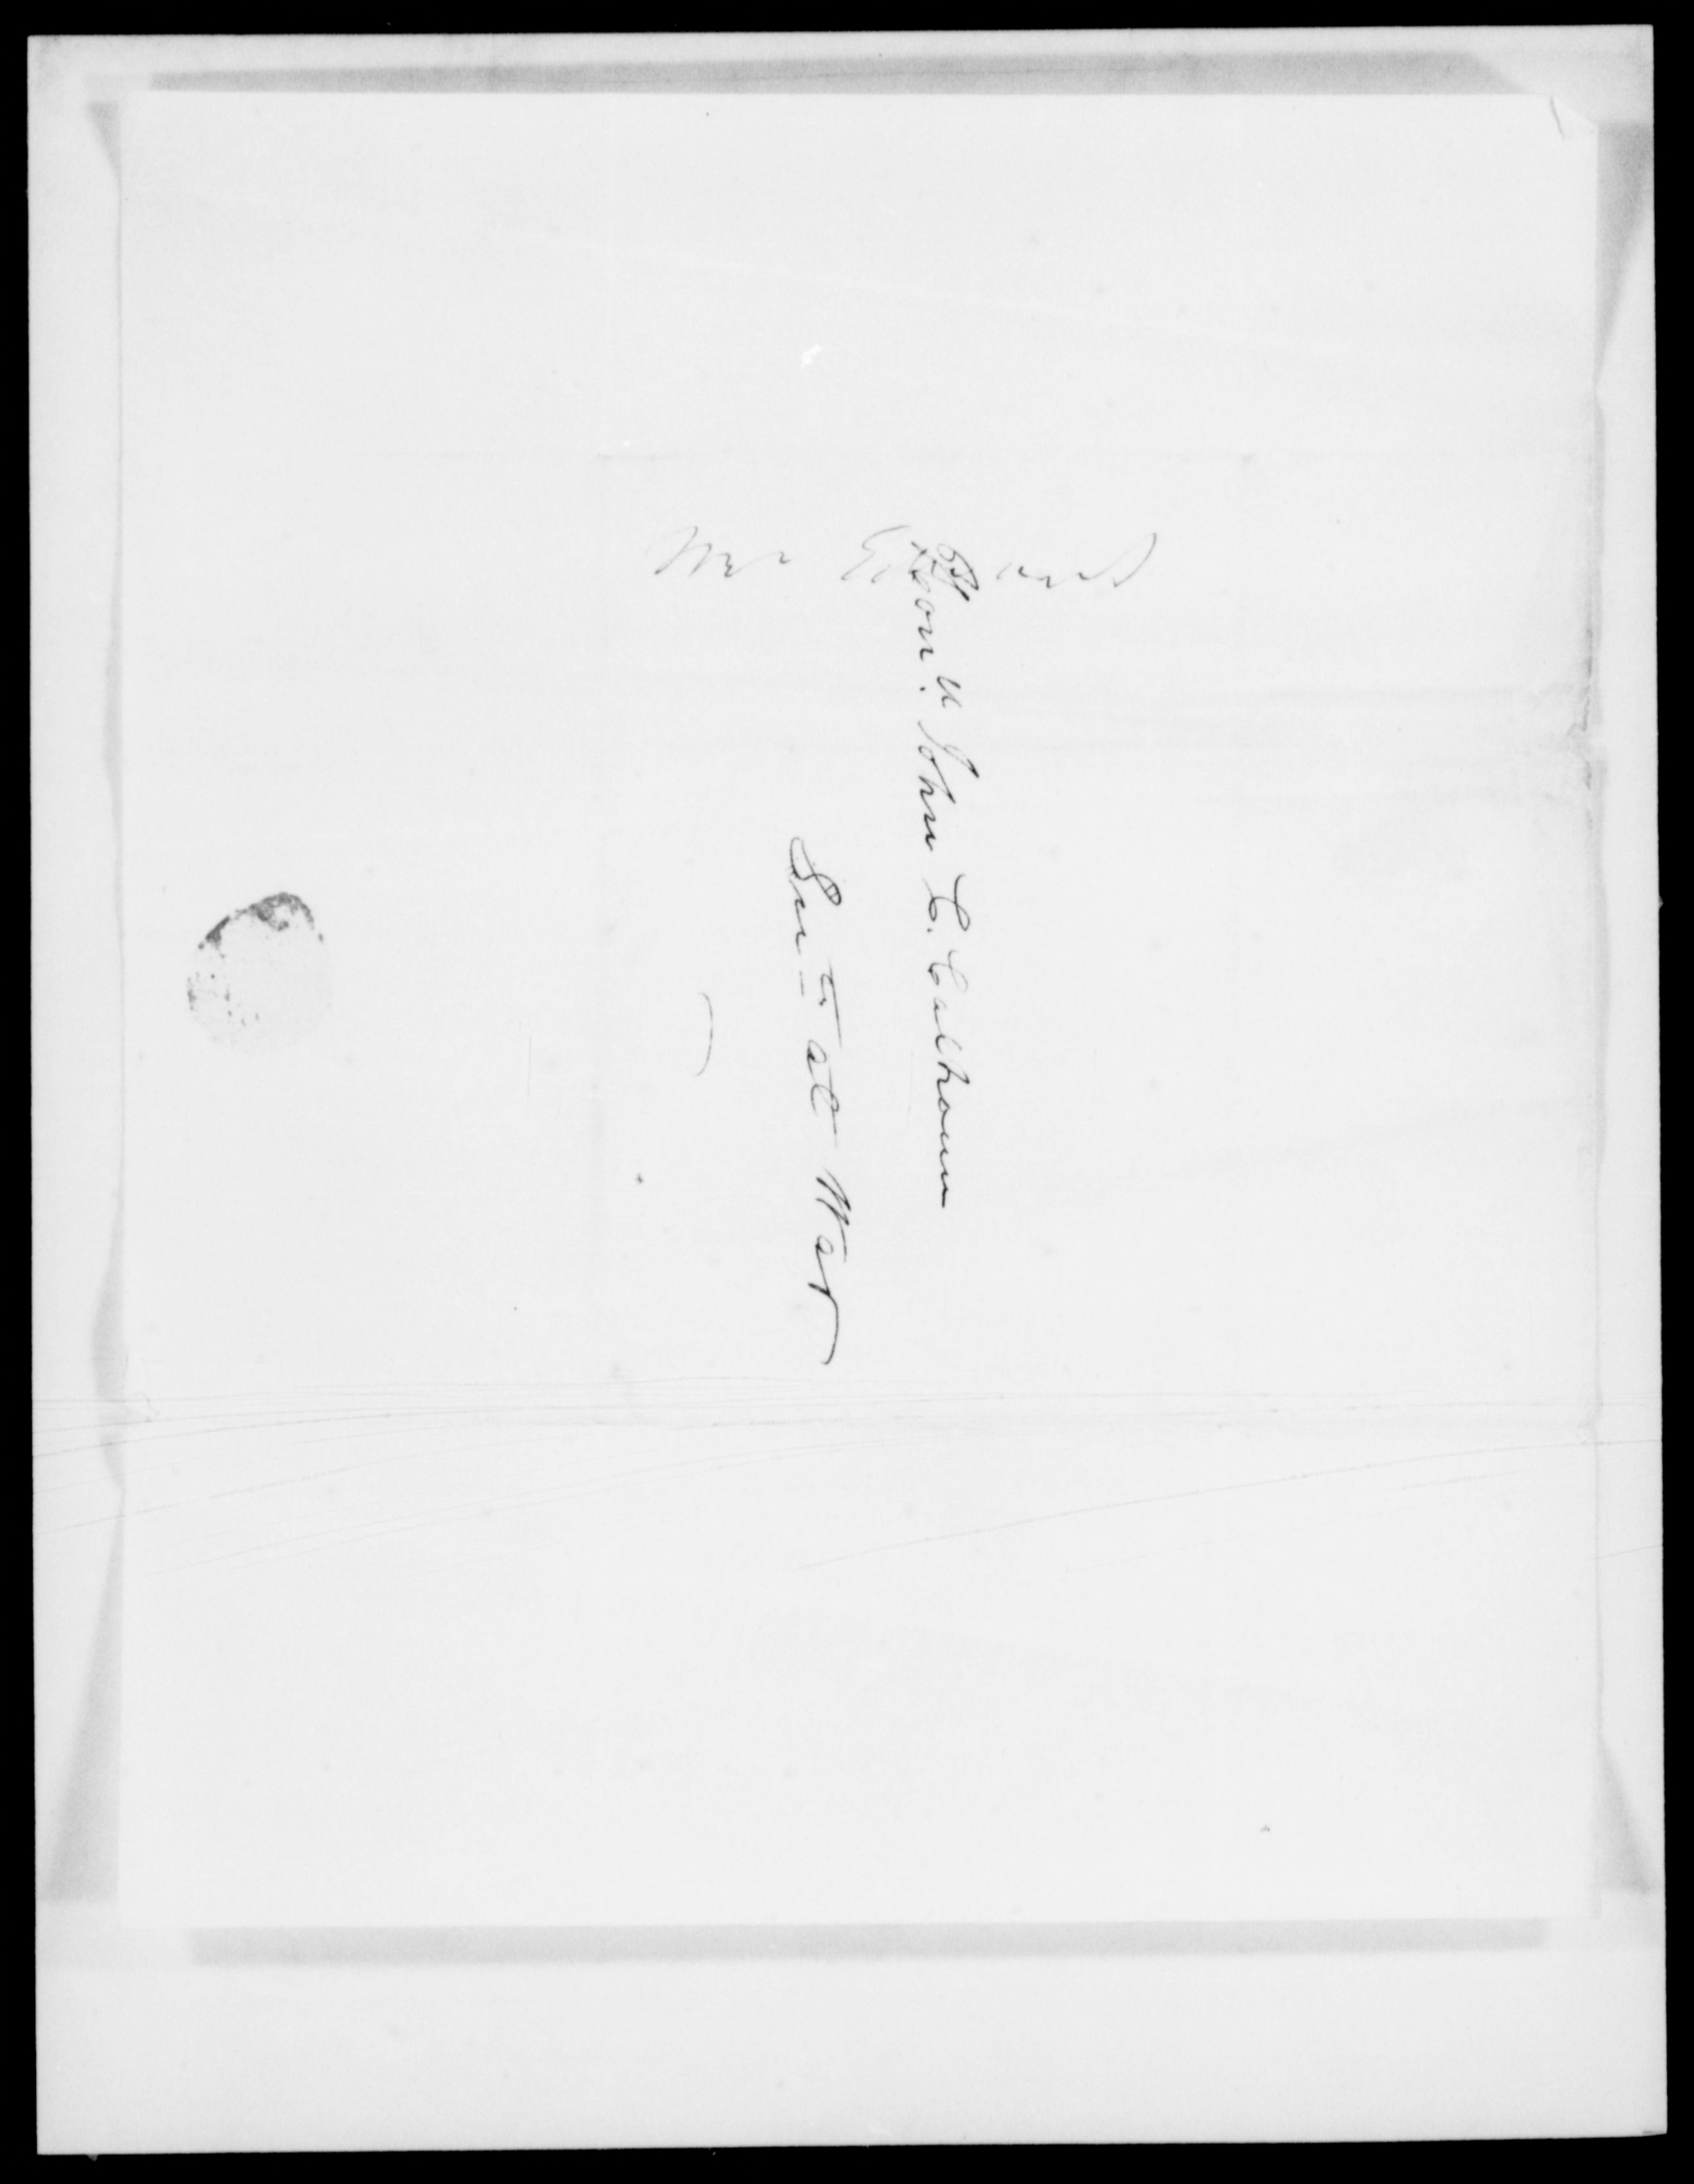Honbl  John C. Calhoun
Secy at War

Mr. Edward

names: Evans, John C Calhoun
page: 23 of 29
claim: survivor's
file: S. 40642, James Waters, Continental (Md)